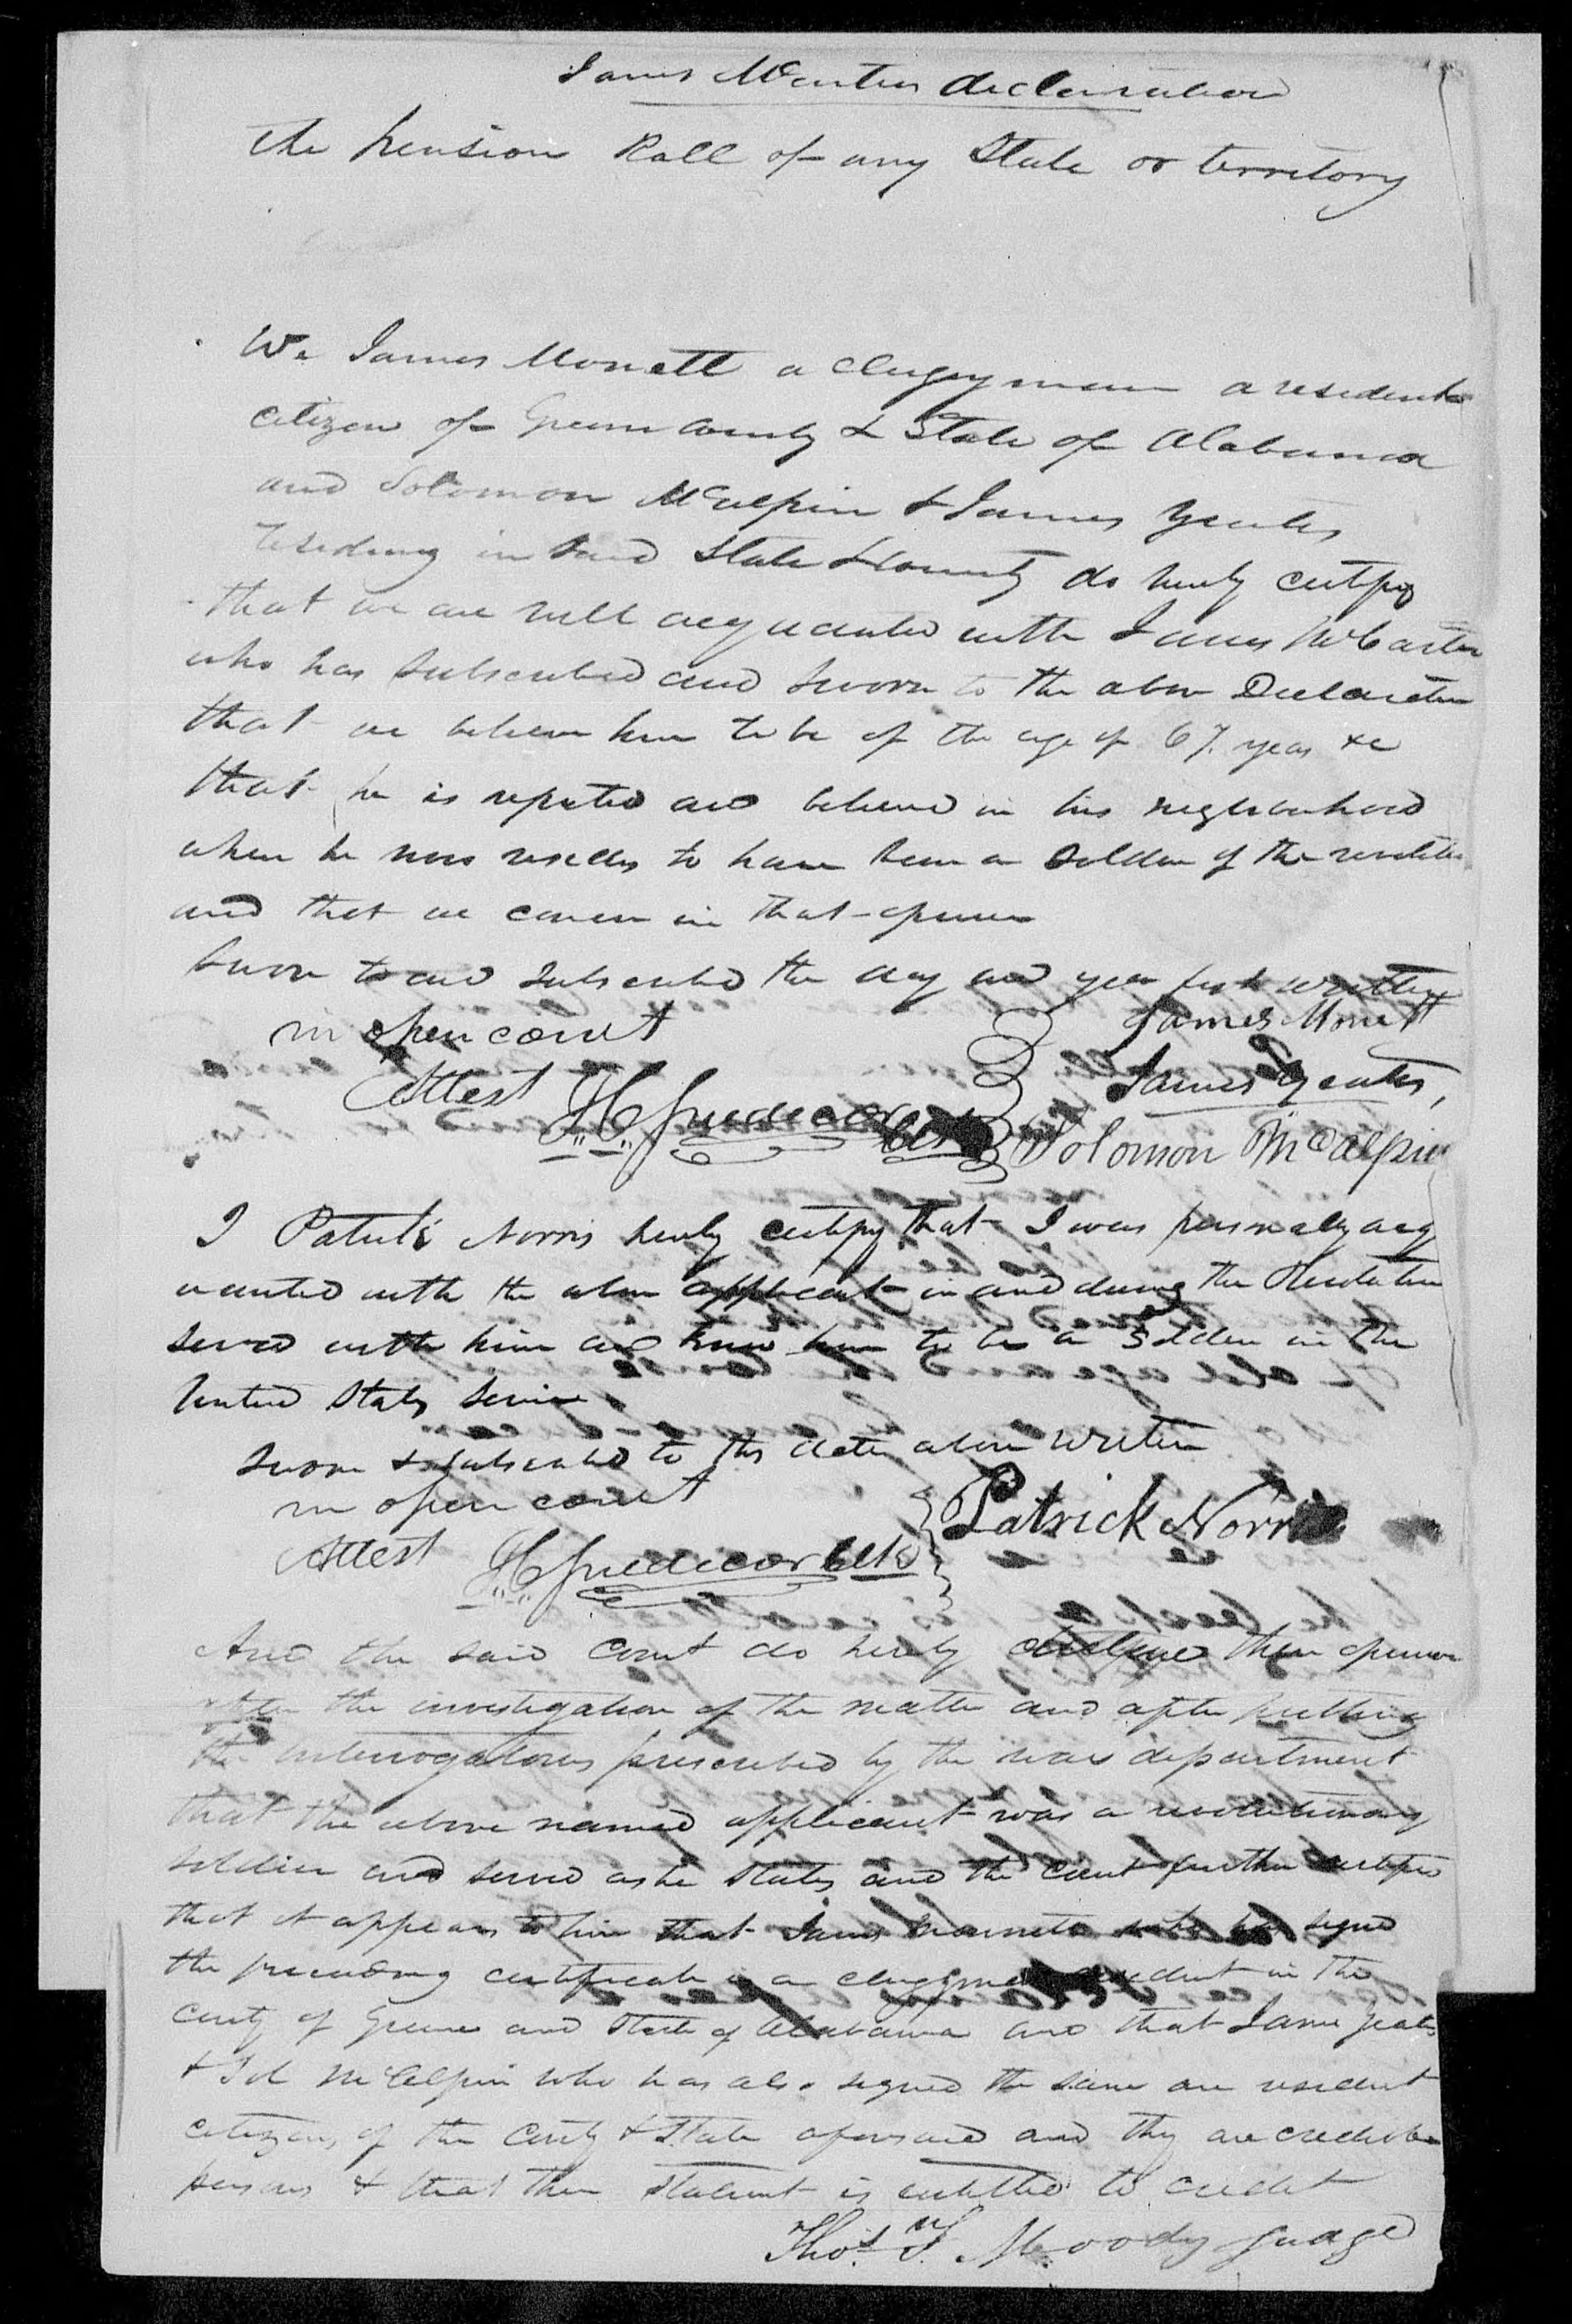James McCarter declaration
the pension Roll of any State or territory

We James Monett a clergyman a resident
citizen of Greene County & State of Alabama
and Solomon McAlpin & James Yeates
residing in said State County do hereby certify
that we are well acquanted with James McCarter who has subscribed and sworn to the above Declaration that we believe her to be of the age of 67 years & that he is reputed and believe in his neighborhood where he now resides to have been a solder of the revolution and that we concur in that opinion

Sworn to and subscribed the day and year 
in open court

James Morrett
James Yates
Solomon McAlpin

J.C. [illegible]

I Patrick Norris hereby certify that I was personally acquainted with the above applicant in and during the revolution
served with him and know him to be a soldier in the United States Service

Sworn and subscribed to date above written 
in open court
Patrick Norris

Attest J.C. [illegible]

And the said Court do hereby [illegible] their opinion [illegible] the investigation of the matter and after putting the interrogations prescribed by the war department that the above named applicant was a revolutionary
Soldier and served as he states and the
court further certifies that it appears to him that same manner signed the preceding certificate a clergyman resident in the
County of Greene and State of Alabama and that James Yeates + Sol. McAlpin who has also signed the same are resident citizens of the County & State aforesaid and they are credible persons & that their statement is entitled to credit
Thos T. Moody Judge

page: 9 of 45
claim: survivor's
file: S. 13,890, for James Mc Carter, South Carolina